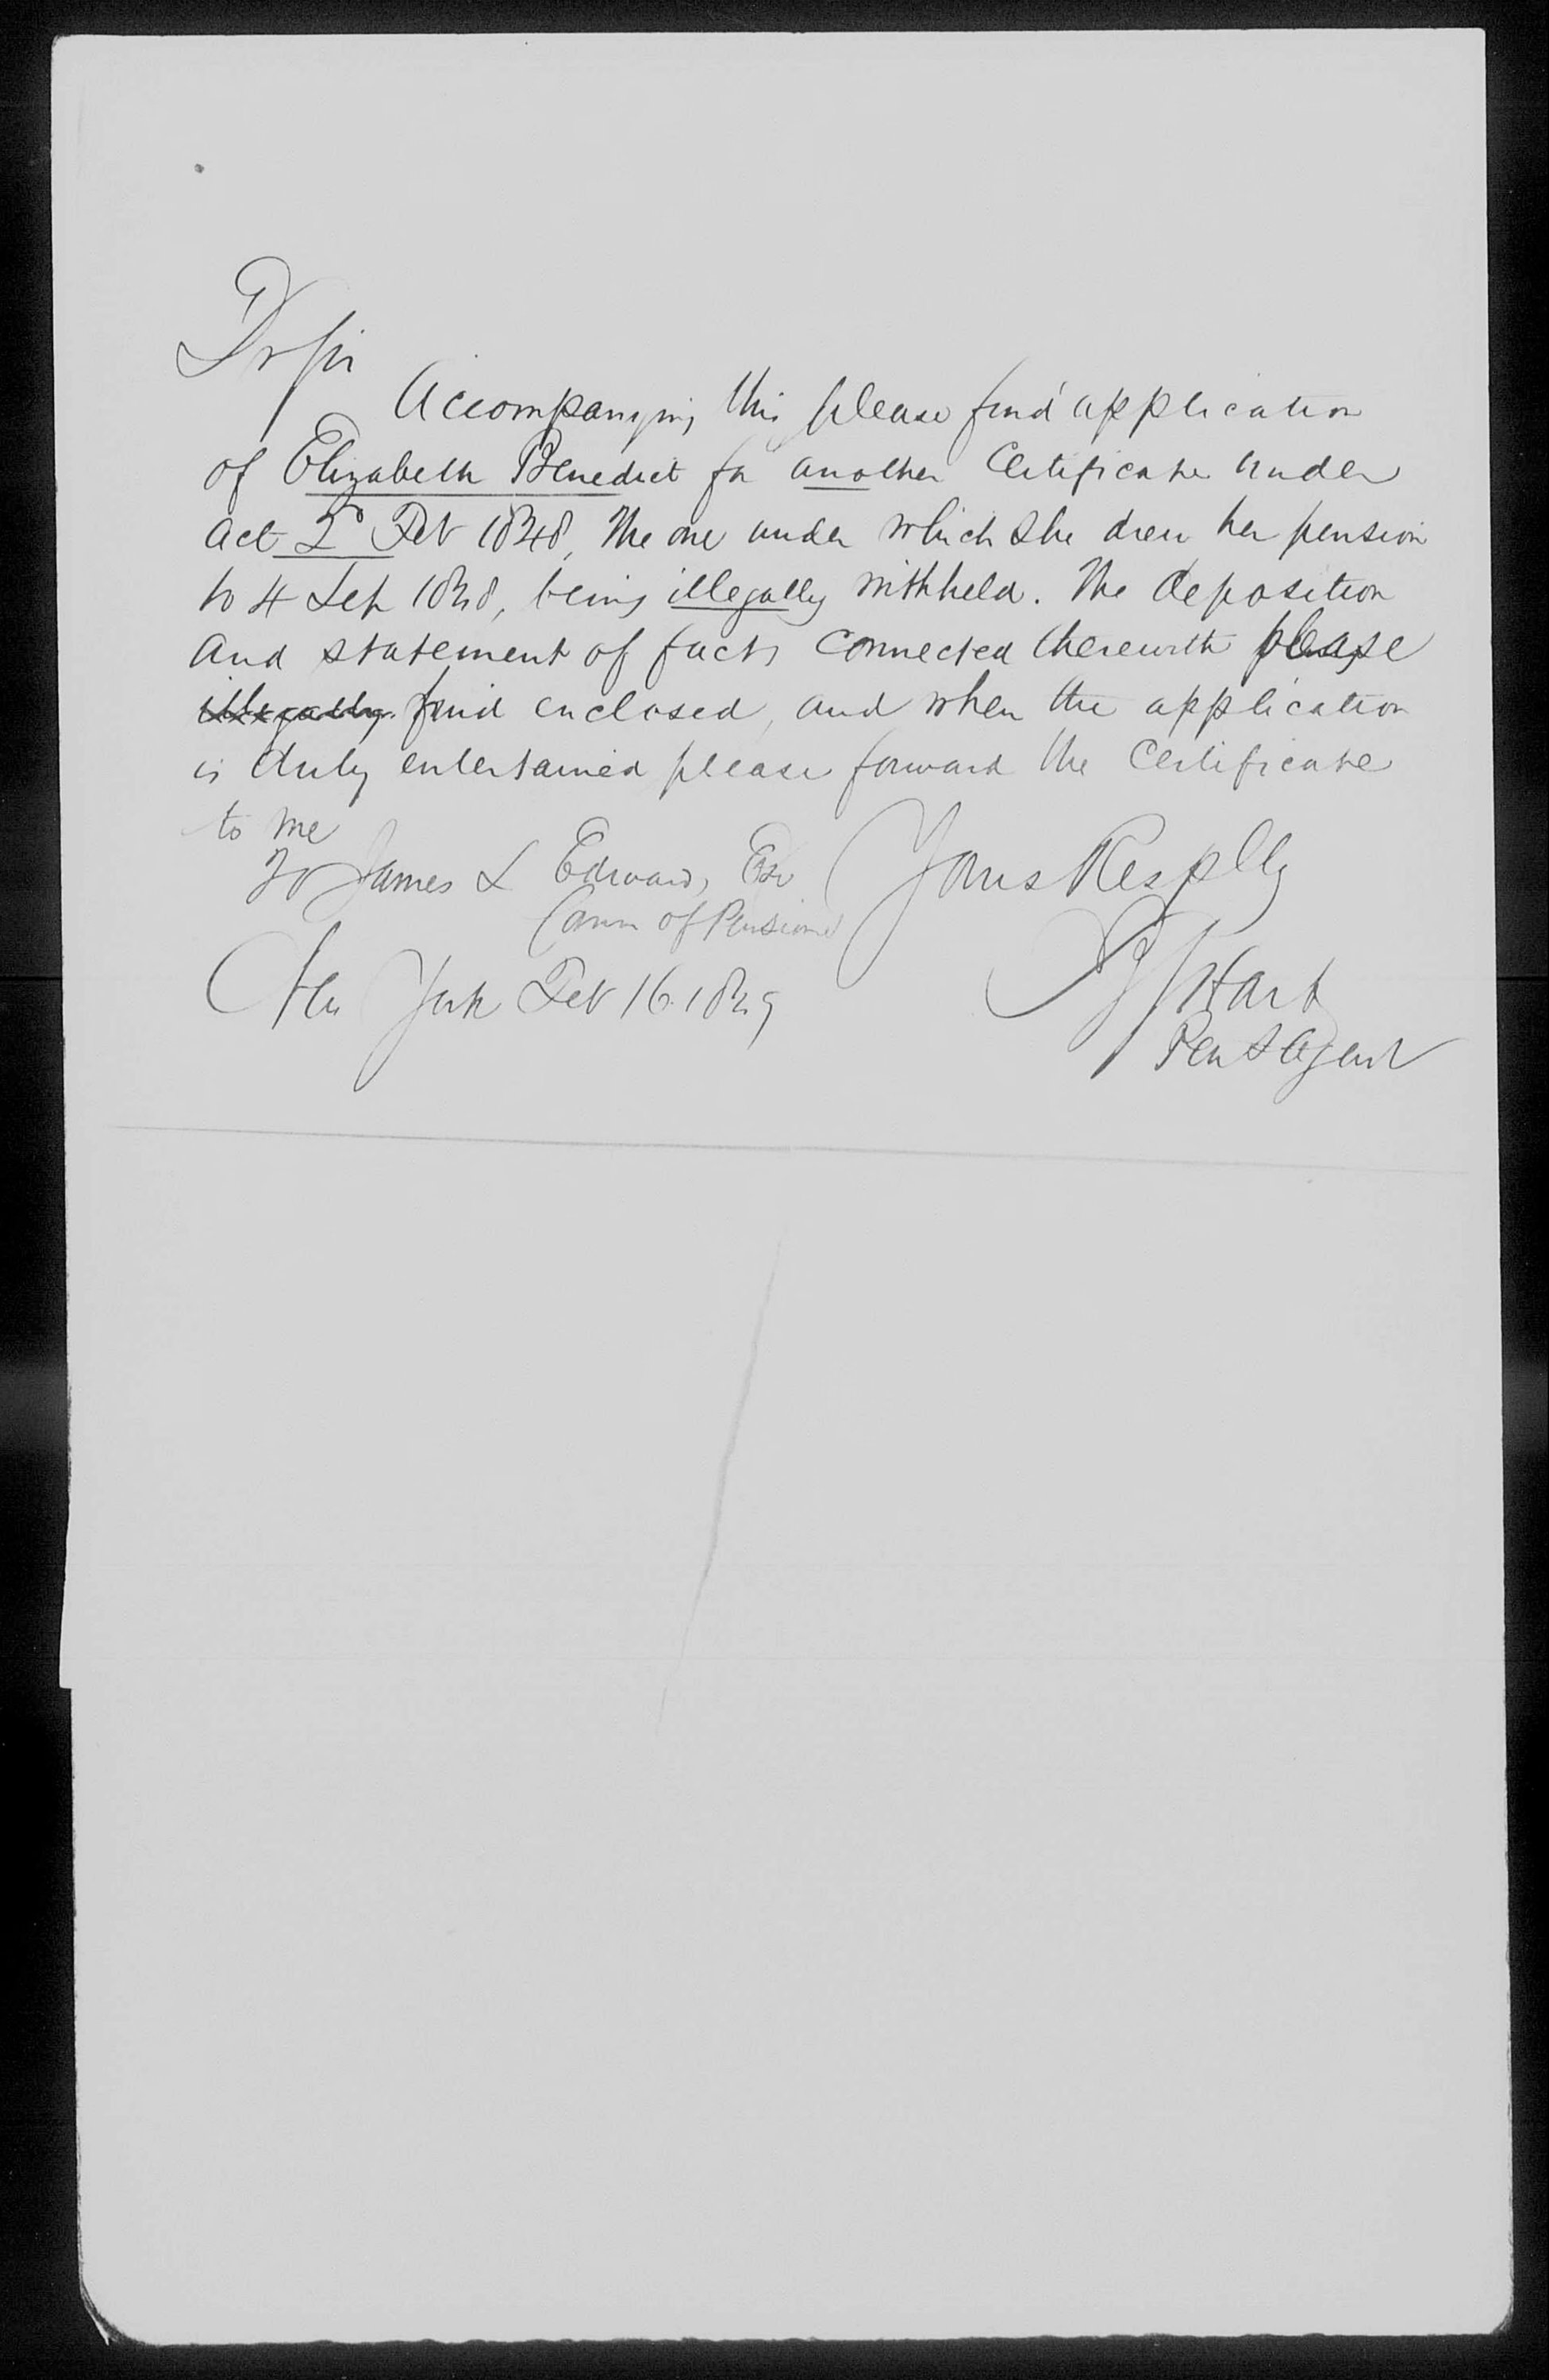Dr Sir
        Accompanying this please find application
of Elizabeth Benedict for another certificate under
Act 2 Feb 1848, The one under which she drew her pension
to 4 Sep 1838, being illegally withheld. The deposition
and statement of facts connected therewith please
find enclosed, and when the application
is duly entertained please forward the certificate
to me
To James L Edwards Esq                  Yours Resply-
         Comm of Pensions                B. J. Hart
in Jan Feb 16. 1839                           Pen Agent
New York Dec 16 1849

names: Elizabeth Benedict, James L Edwards, B J Hart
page: 32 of 56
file: [ILLEGIBLE], Jonah Benedict, Conn.